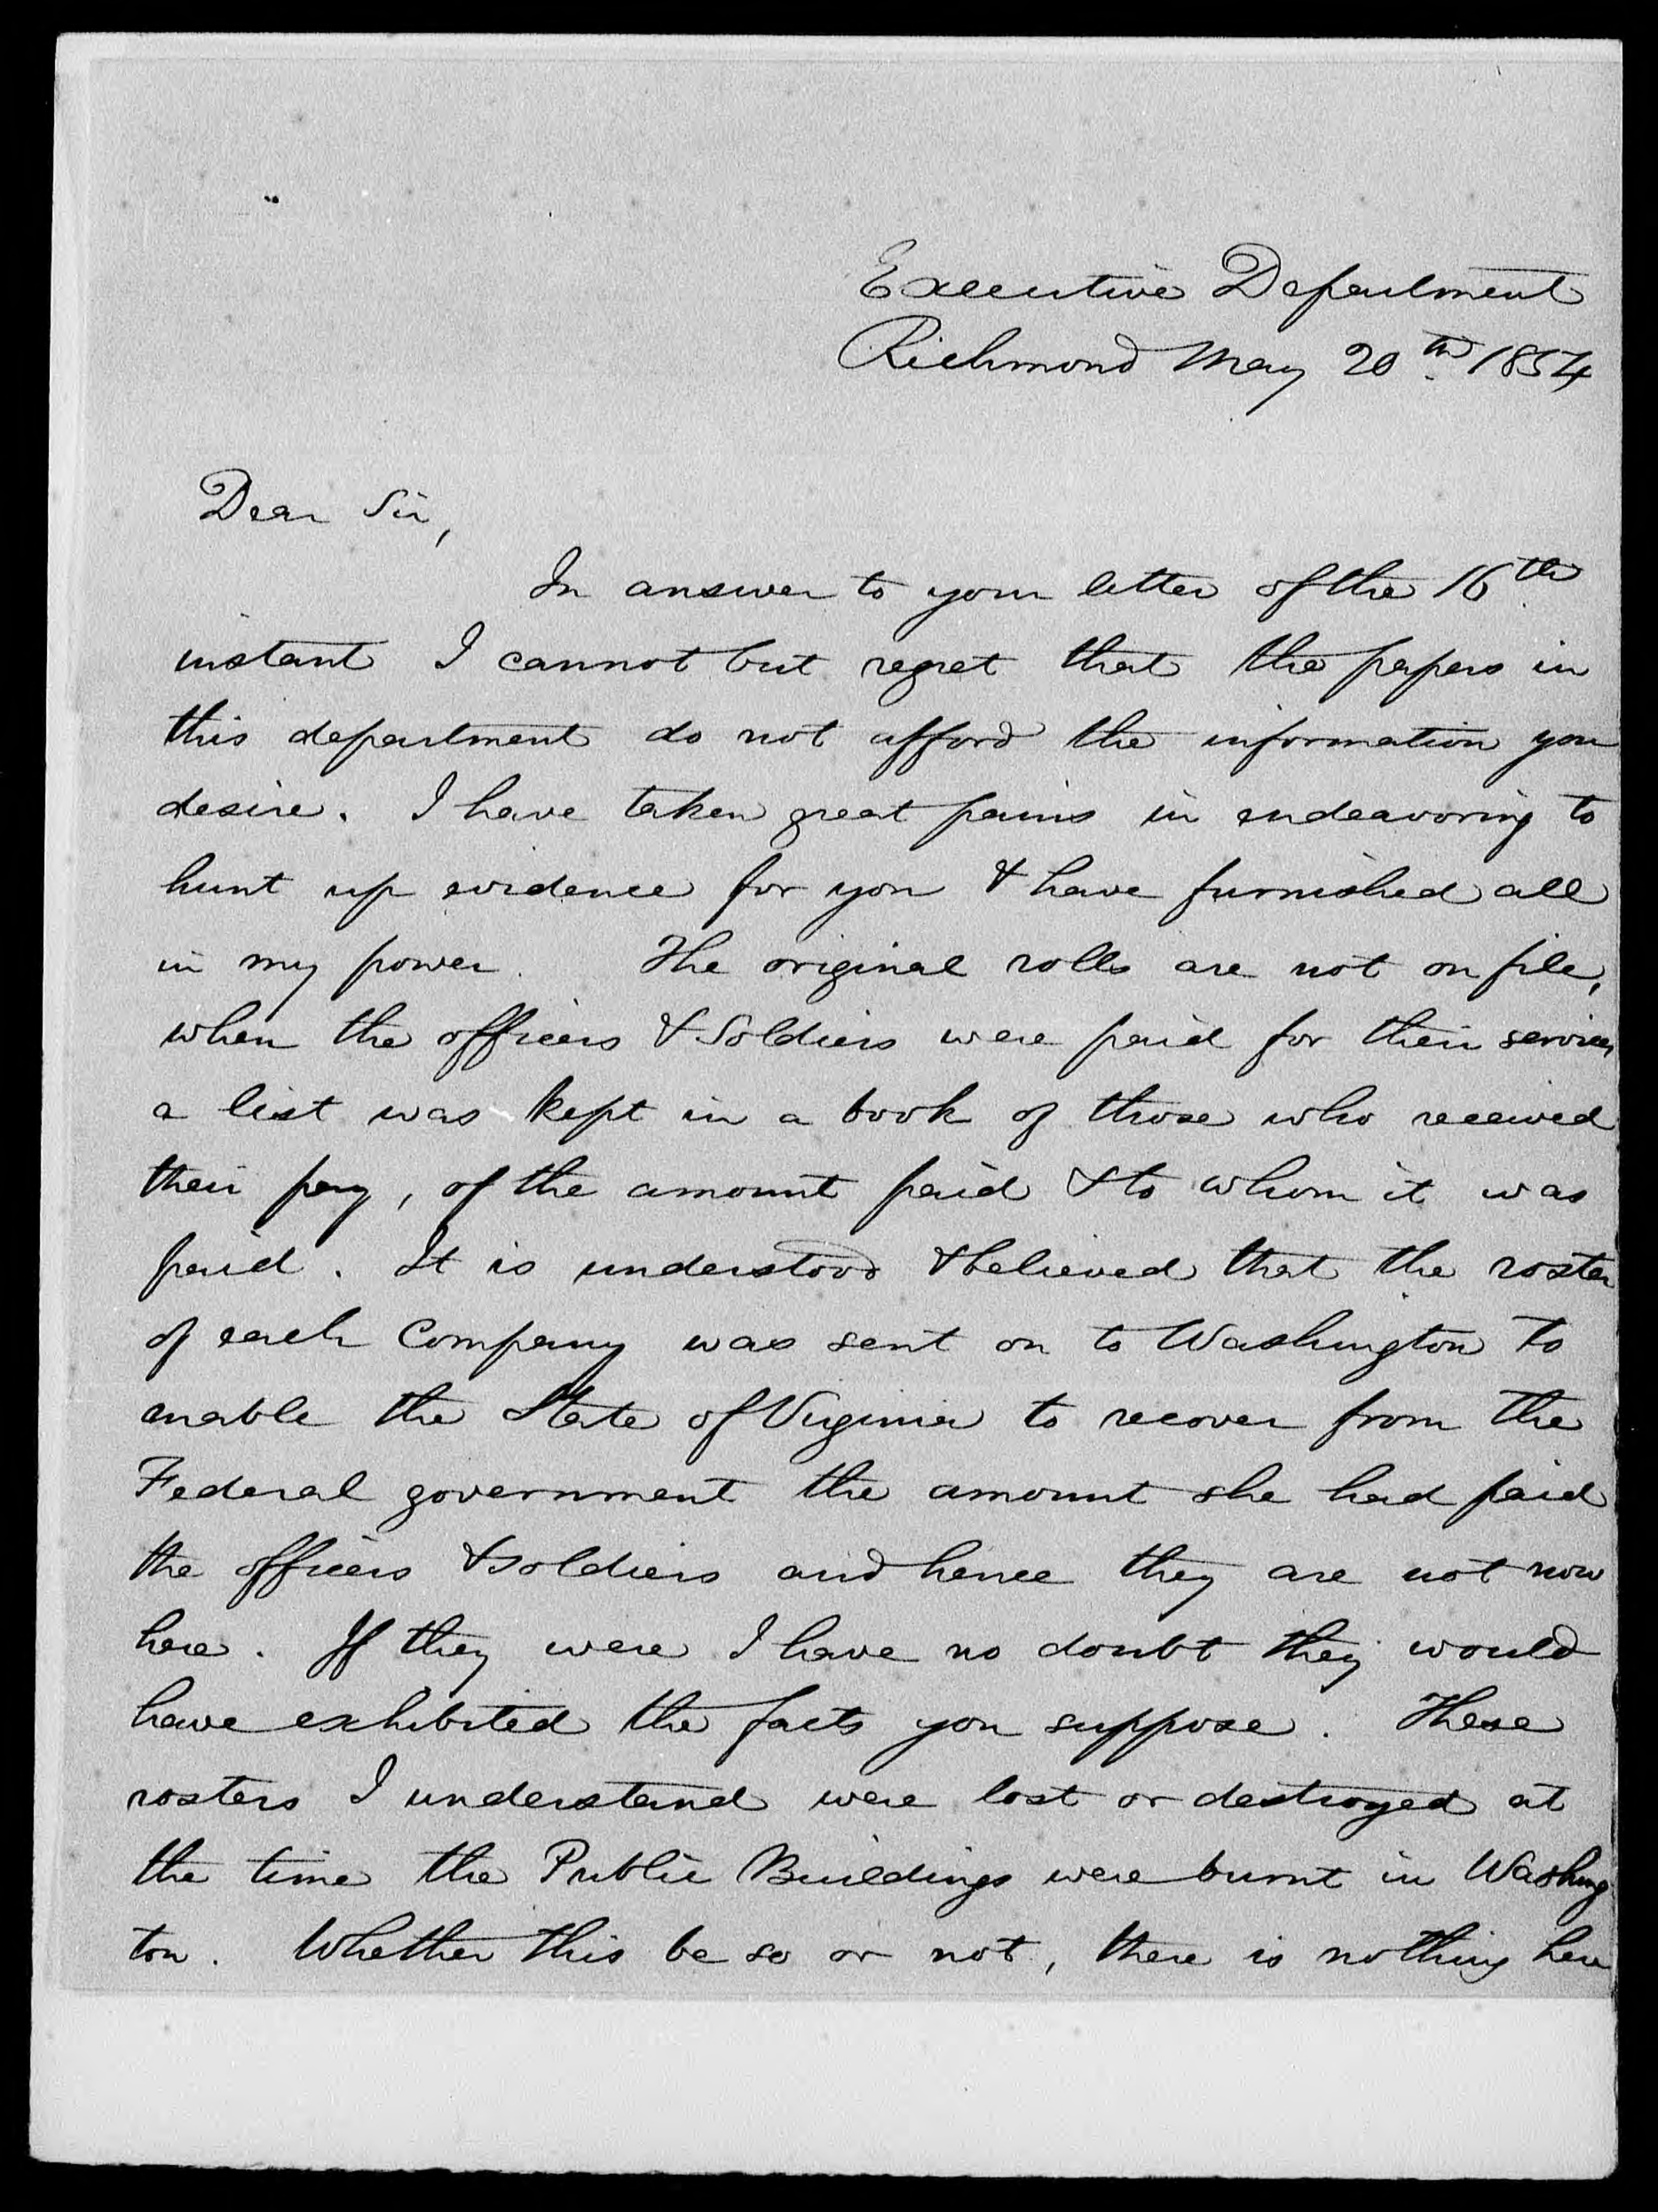Executive Department
Richmond May 20th 1854

Dear Sir,
In answer to your letter of the 16th instant I cannot but regret that the papers in this department do not afford the information you desire.  I have taken great pains in endeavoring to hunt up evidence for you & have furnished all in my power.  The original rolls are not on file. When the officers & soldiers were paid for their service, a list was kept in a book of those who received their pay, of the amount paid & to whom it was paid.  It is understood & believed that the roster of each company was sent on to Washington to enable the State of Virginia to recover from the Federal government the amount she had paid the officers & soldiers and hence they are not now here.  If they were I have no doubt they would have exhibited the facts you suppose.  These rosters I understand were lost or destroyed at the time the Public Buildings were burnt in Washington.  Whether this be so or not, there is nothing here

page: 79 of 160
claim: rejected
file: R. 4666, James Harris, Va.